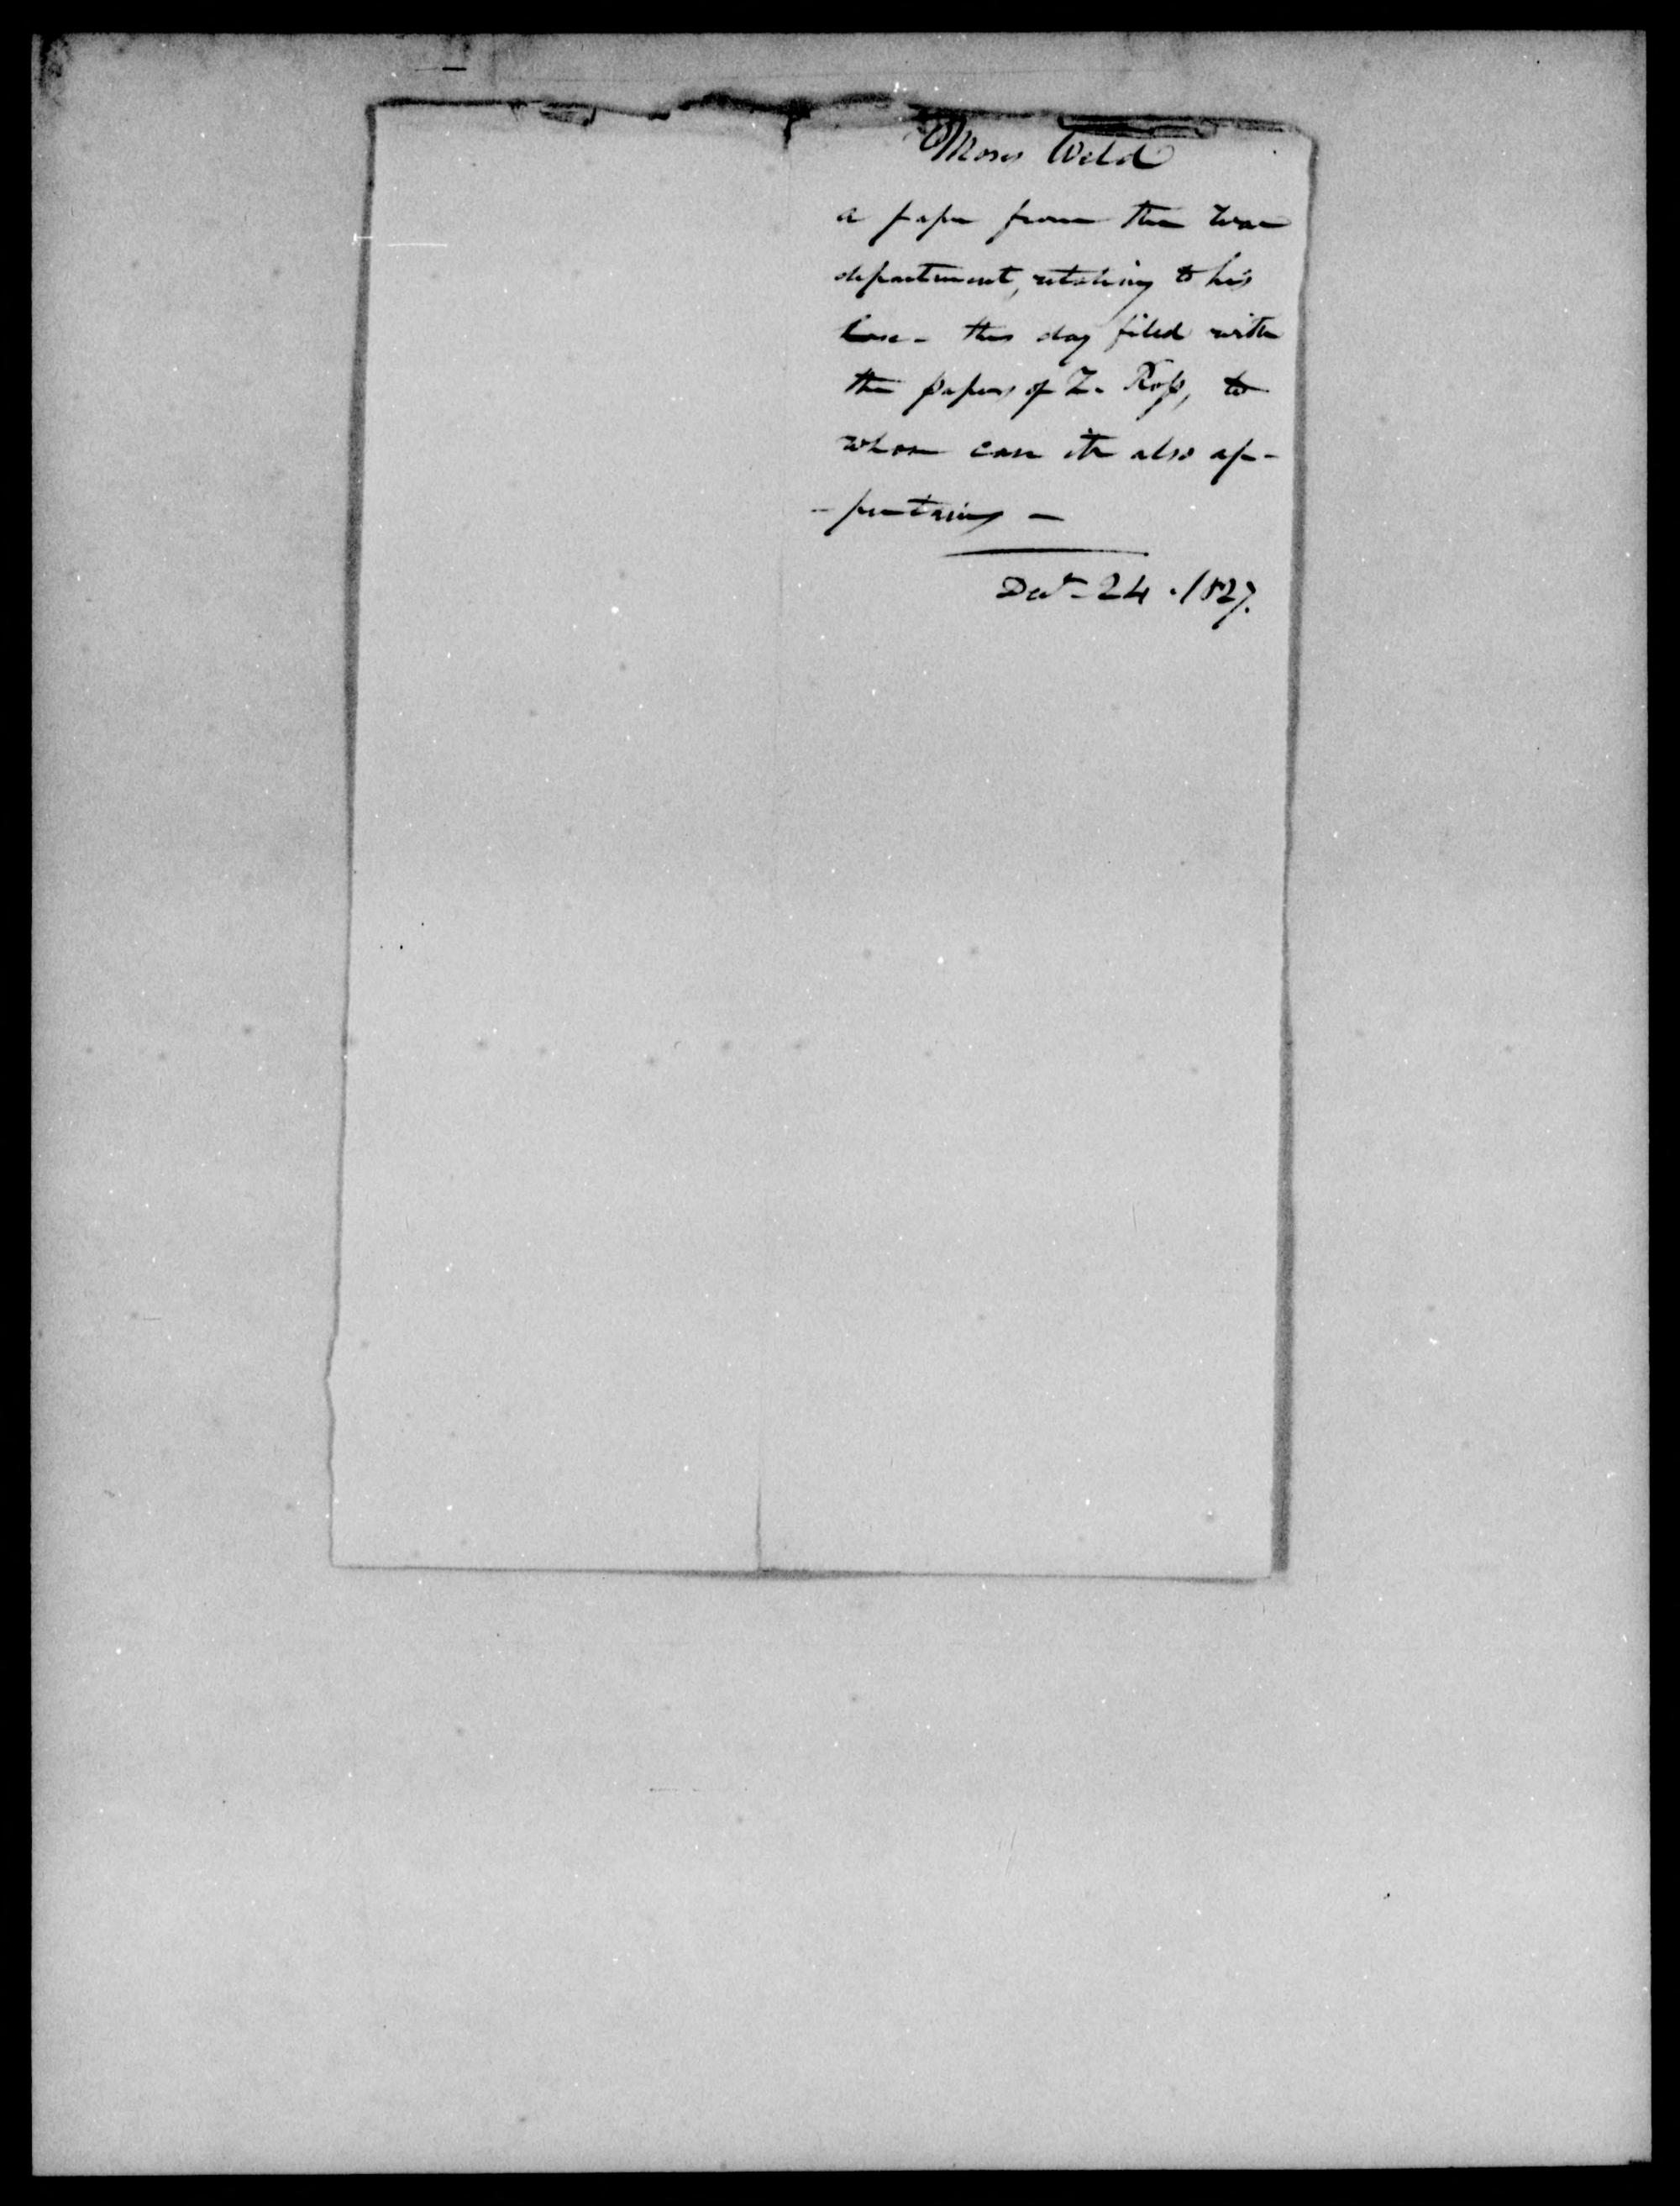Moses Weld
a paper from the  War
department, [restating]? to his  case -
this day filed with
the papers of Z. Ross, to
whose case it's also [aps]?
-pertaining
Dec 24 1827.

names: Moses Weld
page: 21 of 87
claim: widow's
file: W. 25,966, Moses Weld, Mass.